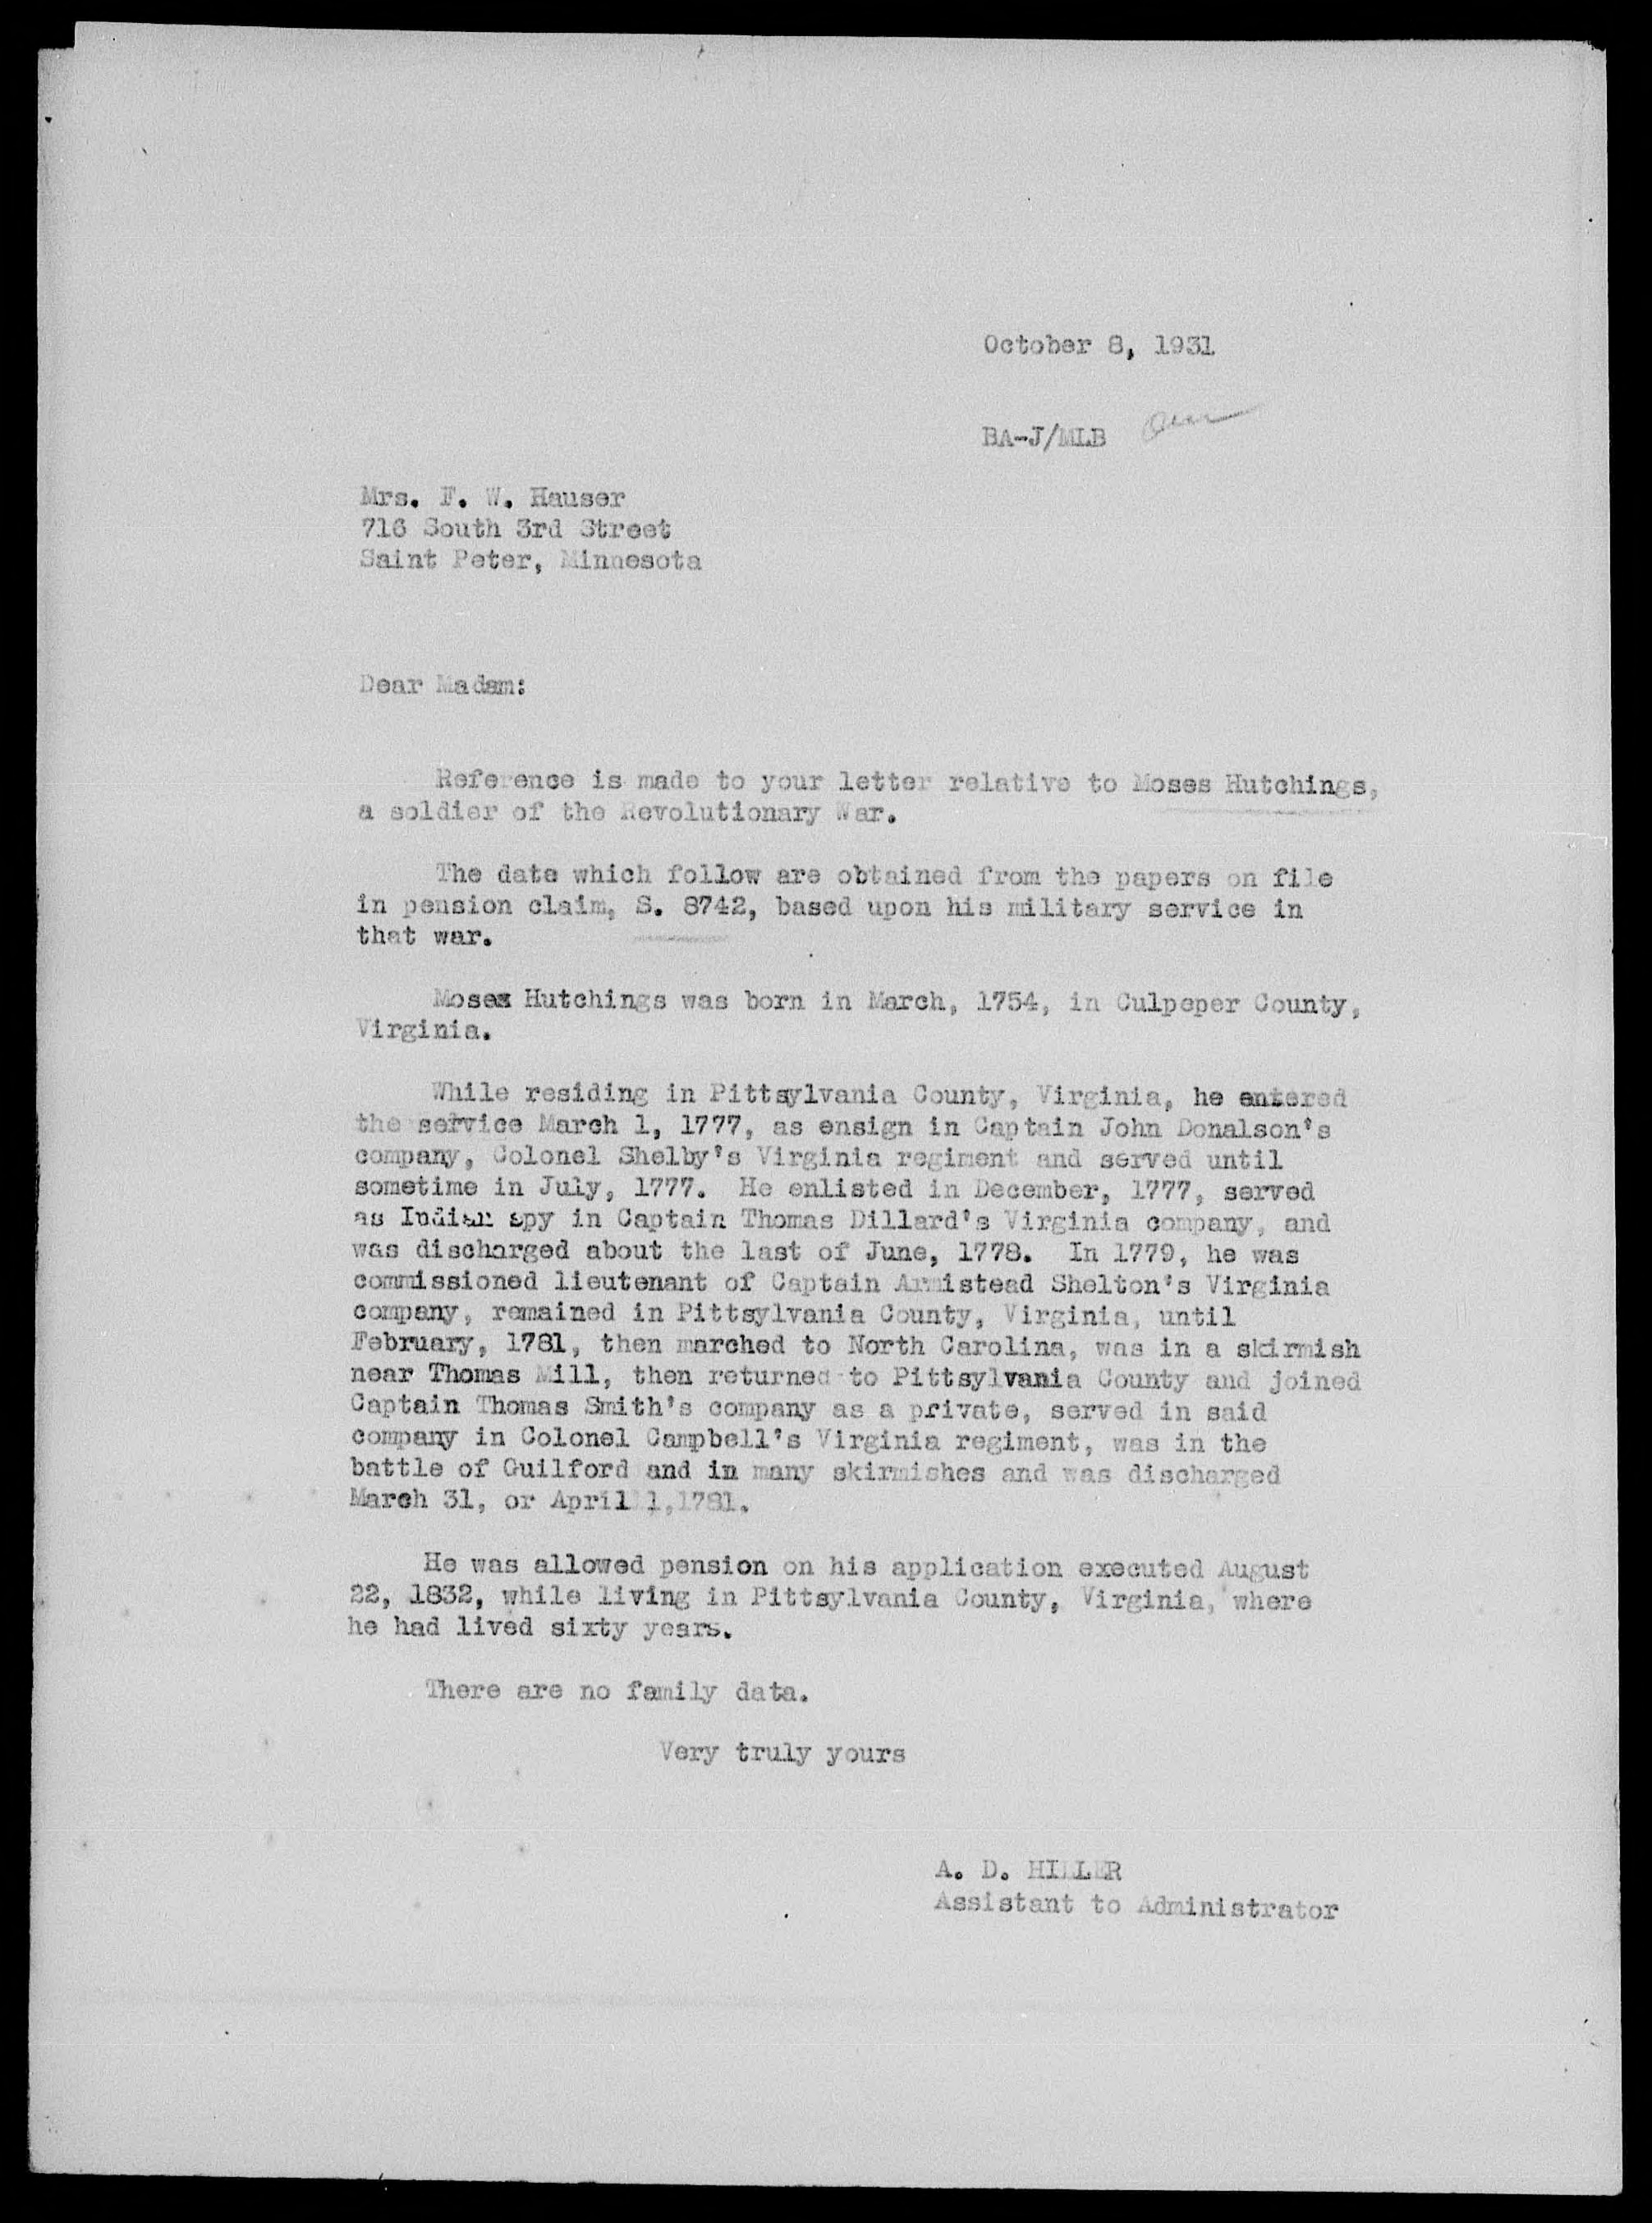October 8, 1931. 
BA-J/MLB own

Mrs. F. W. Hauser 
716 South 3rd Street 
Saint Peter, Minnesota 

Dear Madam: 

Reference is made to your letter relative to Moses Hutchings, a soldier of the Revolutionary War. 
The date which follow are obtained from the papers on file in pension claim, S. 8742, based upon his military service in that war. 
Moses Hutchings was born in March, 1754, in Culpeper County, Virginia. 
While residing in Pittsylvania County, Virginia, he entered the service March 1, 1777, as ensign in Captain John Donalson's company, Colonel Shelby's Virginia regiment and served until sometime in July, 1777. He enlisted in December, 1777, served as Indian spy in Captain Thomas Dillard's Virginia company, and was discharged about the last of June, 1778. In 1779, he was commissioned lieutenant of Captain Armistead Shelton's Virginia company, remained in Pittsylvania County, Virginia, until February, 1781, then marched to North Carolina, was in a skirmish near Thomas Mill, then returned to Pittsylvania County and joined Captain Thomas Smith's company as a private, served in said company in Colonel Campbell's Virginia regiment, was in the battle of Guilford and in many skirmishes and was discharged March 31, or April 1, 1781. 
He was allowed pension on his application executed August 22, 1832, while living in Pittsylvania County, Virginia, where he had lived sixty years. 
There are no family data. 

Very truly yours 

A. D. HILLER 
Assistant to Administrator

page: 7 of 18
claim: survivor's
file: S. 8742, for Moses Hutchings, Virginia